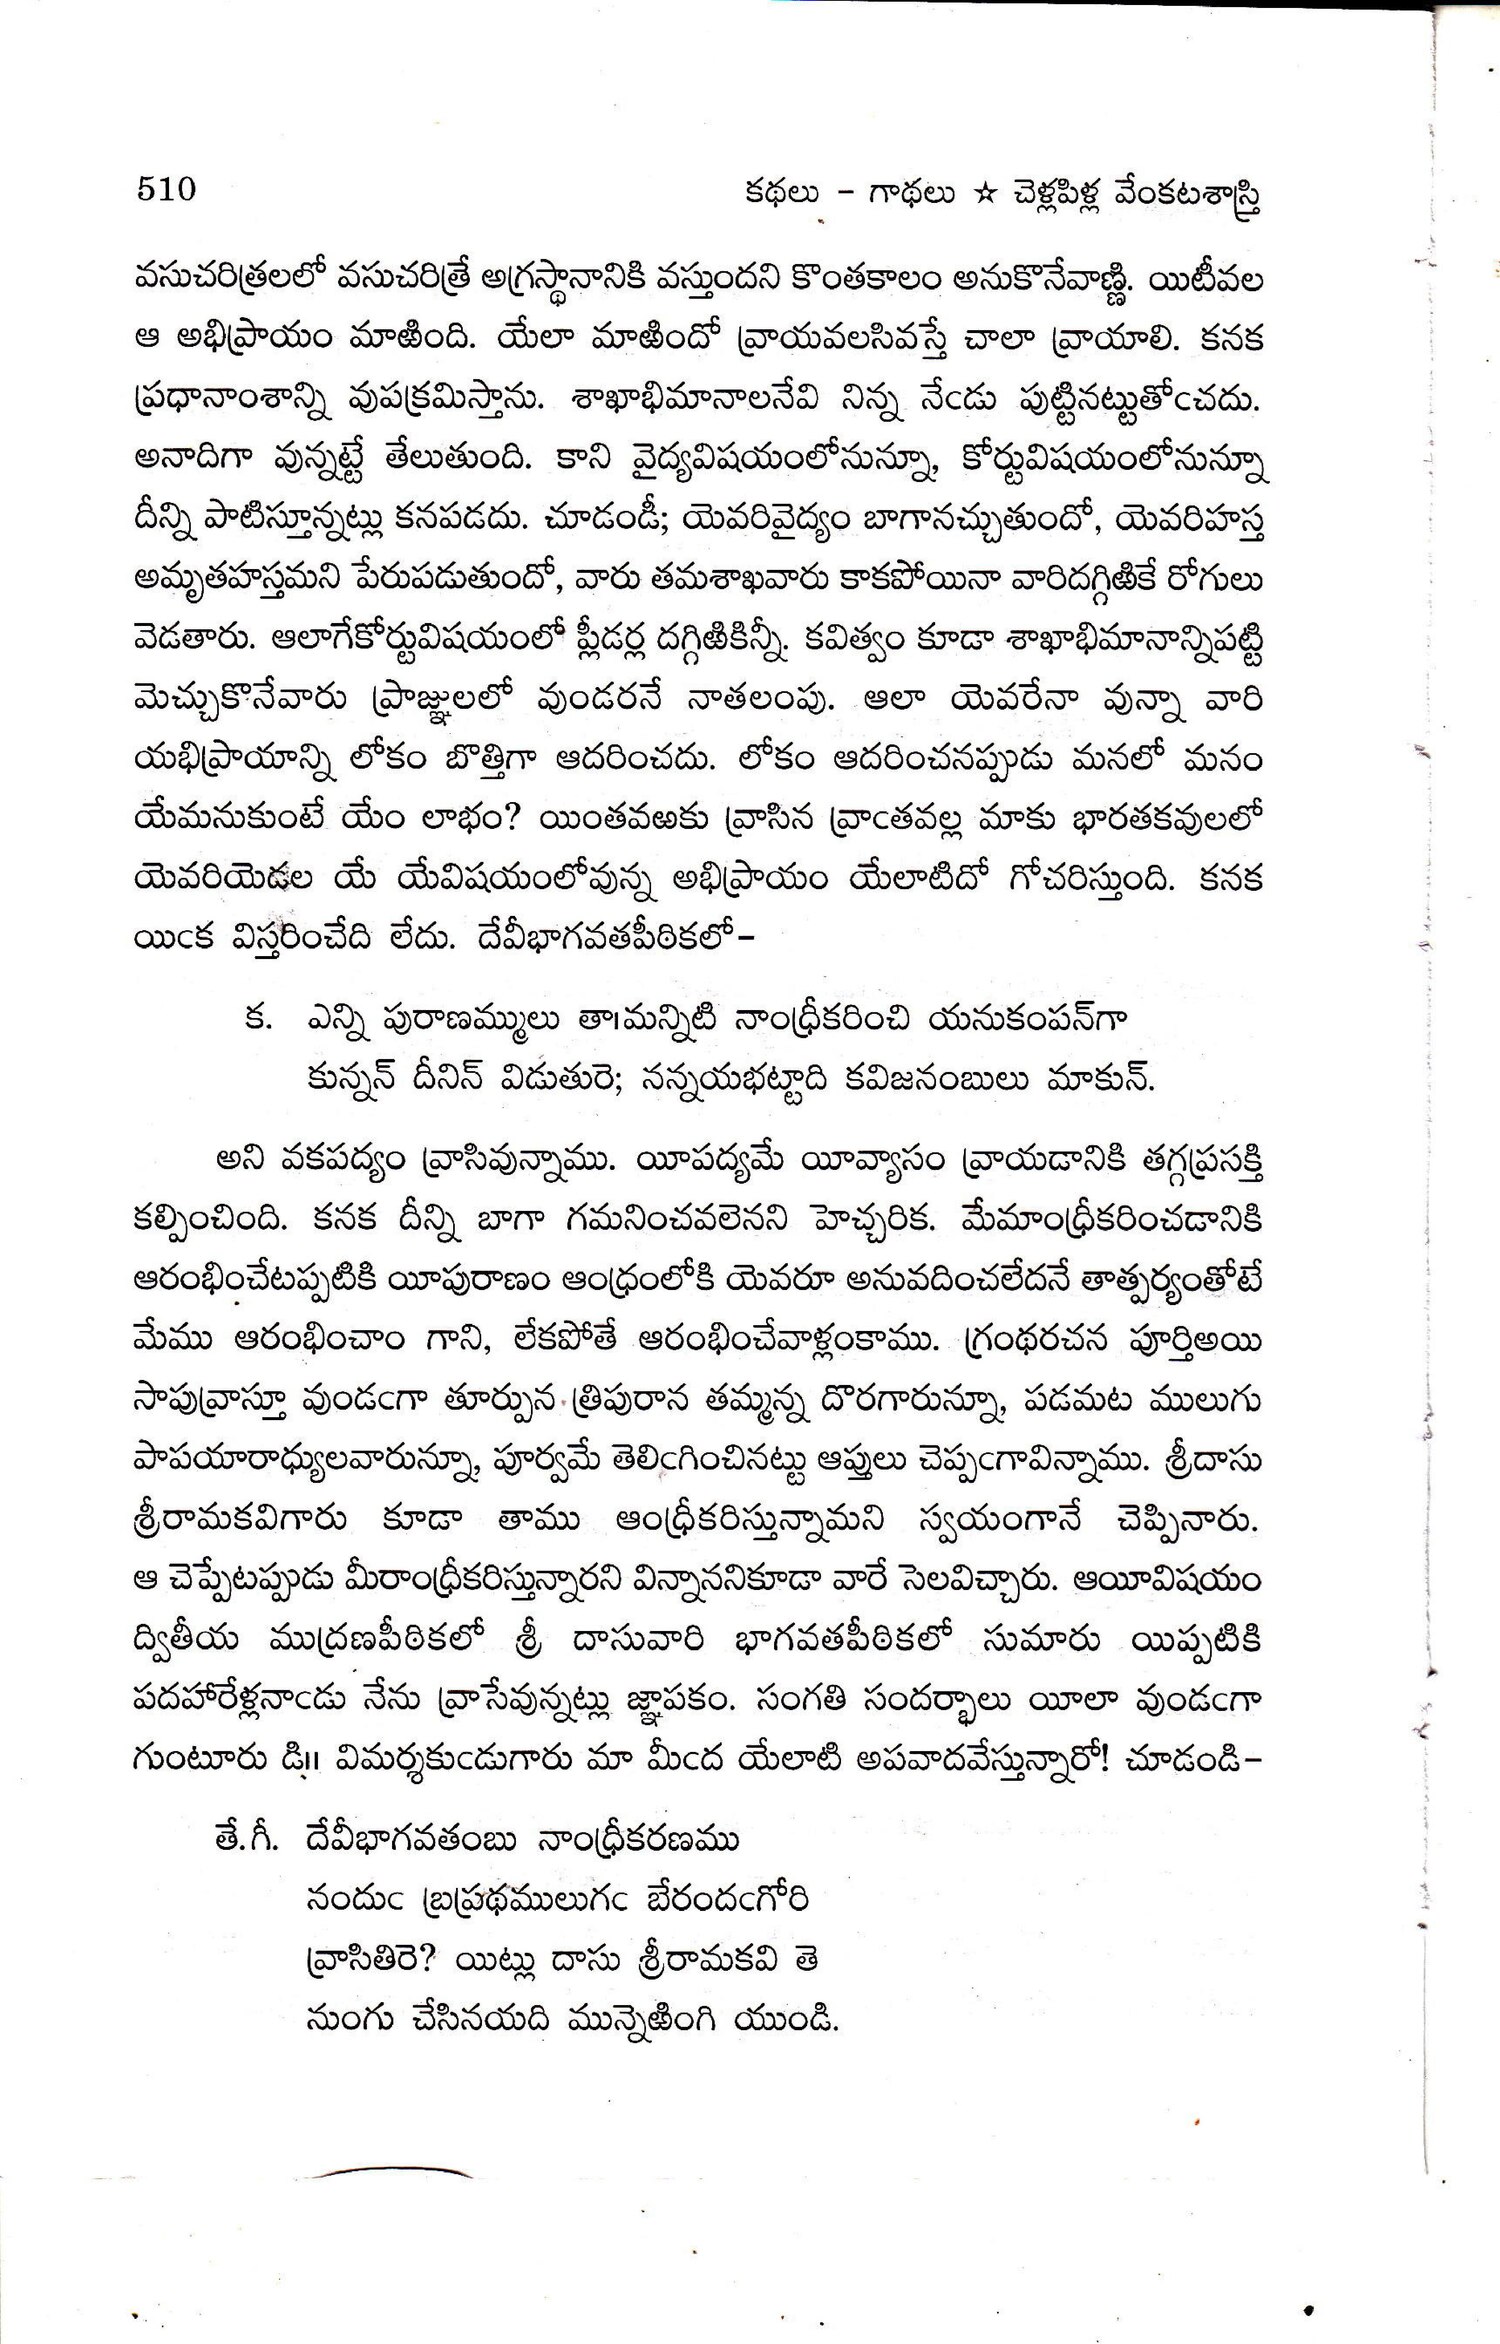వసుచరిత్రలలో వసుచరిత్రే అగ్రస్థానానికి వస్తుందని కొంతకాలం అనుకొనేవాణ్ణి. యిటీవల ఆ అభిప్రాయం మాఱింది. యేలా మాఱిందో వ్రాయవలసివస్తే చాలా వ్రాయాలి. కనక ప్రధానాంశాన్ని వుపక్రమిస్తాను. శాఖాభిమానాలనేవి నిన్న నేఁడు పుట్టినట్టుతోఁచదు. అనాదిగా వున్నట్టే తేలుతుంది. కాని వైద్యవిషయంలోనున్నూ కోర్టువిషయంలోనున్నూ దీన్ని పాటిస్తూన్నట్లు కనపడదు. చూడండీ; యెవరివైద్యం బాగానచ్చుతుందో, యెవరిహస్త అమృతహస్తమని పేరుపడుతుందో, వారు తమశాఖవారు కాకపోయినా వారిదగ్గిఱికే రోగులు వెడతారు. ఆలాగేకోర్టువిషయంలో ప్లీడర్ల దగ్గిఱికిన్నీ కవిత్వం కూడా శాఖాభిమానాన్నిపట్టి మెచ్చుకొనేవారు ప్రాజ్ఞులలో వుండరనే నాతలంపు. ఆలా యెవరేనా వున్నా వారి యభిప్రాయాన్ని లోకం బొత్తిగా ఆదరించదు. లోకం ఆదరించనప్పుడు మనలో మనం యేమనుకుంటే యేం లాభం? యింతవఱకు వ్రాసిన వ్రాఁతవల్ల మాకు భారతకవులలో యెవరియెడల యే యేవిషయంలోవున్న అభిప్రాయం యేలాటిదో గోచరిస్తుంది. కనక యిఁక విస్తరించేది లేదు. దేవీభాగవతపీఠికలో- 

క. ఎన్ని పురాణమ్ములు తా|మన్నిటి నాంద్రీకరించి యనుకంపన్‌గా
 కున్నన్ దీనిన్ విడుతురె; నన్నయభట్టాది కవిజనంబులు మాకున్.
అని వకపద్యం వ్రాసివున్నాము. యీపద్యమే యీవ్యాసం వ్రాయడానికి తగ్గప్రసక్తి కల్పించింది. కనక దీన్ని బాగా గమనించవలెనని హెచ్చరిక. మేమాంద్రీకరించడానికి ఆరంభించేటప్పటికి యీపురాణం ఆంధ్రంలోకి యెవరూ అనువదించలేదనే తాత్పర్యంతోటే మేము ఆరంభించాం గాని, లేకపోతే ఆరంభించేవాళ్లంకాము. గ్రంథరచన పూర్తిఅయి సాపువ్రాస్తూ వుండఁగా తూర్పున త్రిపురాన తమ్మన్న దొరగారున్నూ, పడమట ములుగు పాపయారాధ్యులవారున్నూ, పూర్వమే తెలిఁగించినట్టు ఆప్తులు చెప్పఁగావిన్నాము. శ్రీదాసు శ్రీరామకవిగారు కూడా తాము ఆంద్రీకరిస్తున్నామని స్వయంగానే చెప్పినారు. ఆ చెప్పేటప్పుడు మీరాంద్రీకరిస్తున్నారని విన్నాననికూడా వారే సెలవిచ్చారు. ఆయీవిషయం ద్వితీయ ముద్రణపీఠికలో శ్రీ దాసువారి భాగవతపీఠికలో సుమారు యిప్పటికి పదహారేళ్లనాఁడు నేను వ్రాసేవున్నట్లు జ్ఞాపకం. సంగతి సందర్భాలు యీలా వుండఁగా గుంటూరు డి|| విమర్శకుఁడుగారు మా మీఁద యేలాటి అపవాదవేస్తున్నారో! చూడండి-

తే.గీ. దేవీభాగవతంబు నాంద్రీకరణము
 నందుఁ బ్రప్రథములుగఁ బేరందఁగోరి 
 వ్రాసితిరె? యిట్లు దాసు శ్రీరామకవి తె 
 నుంగు చేసినయది మున్నెఱింగి యుండి.